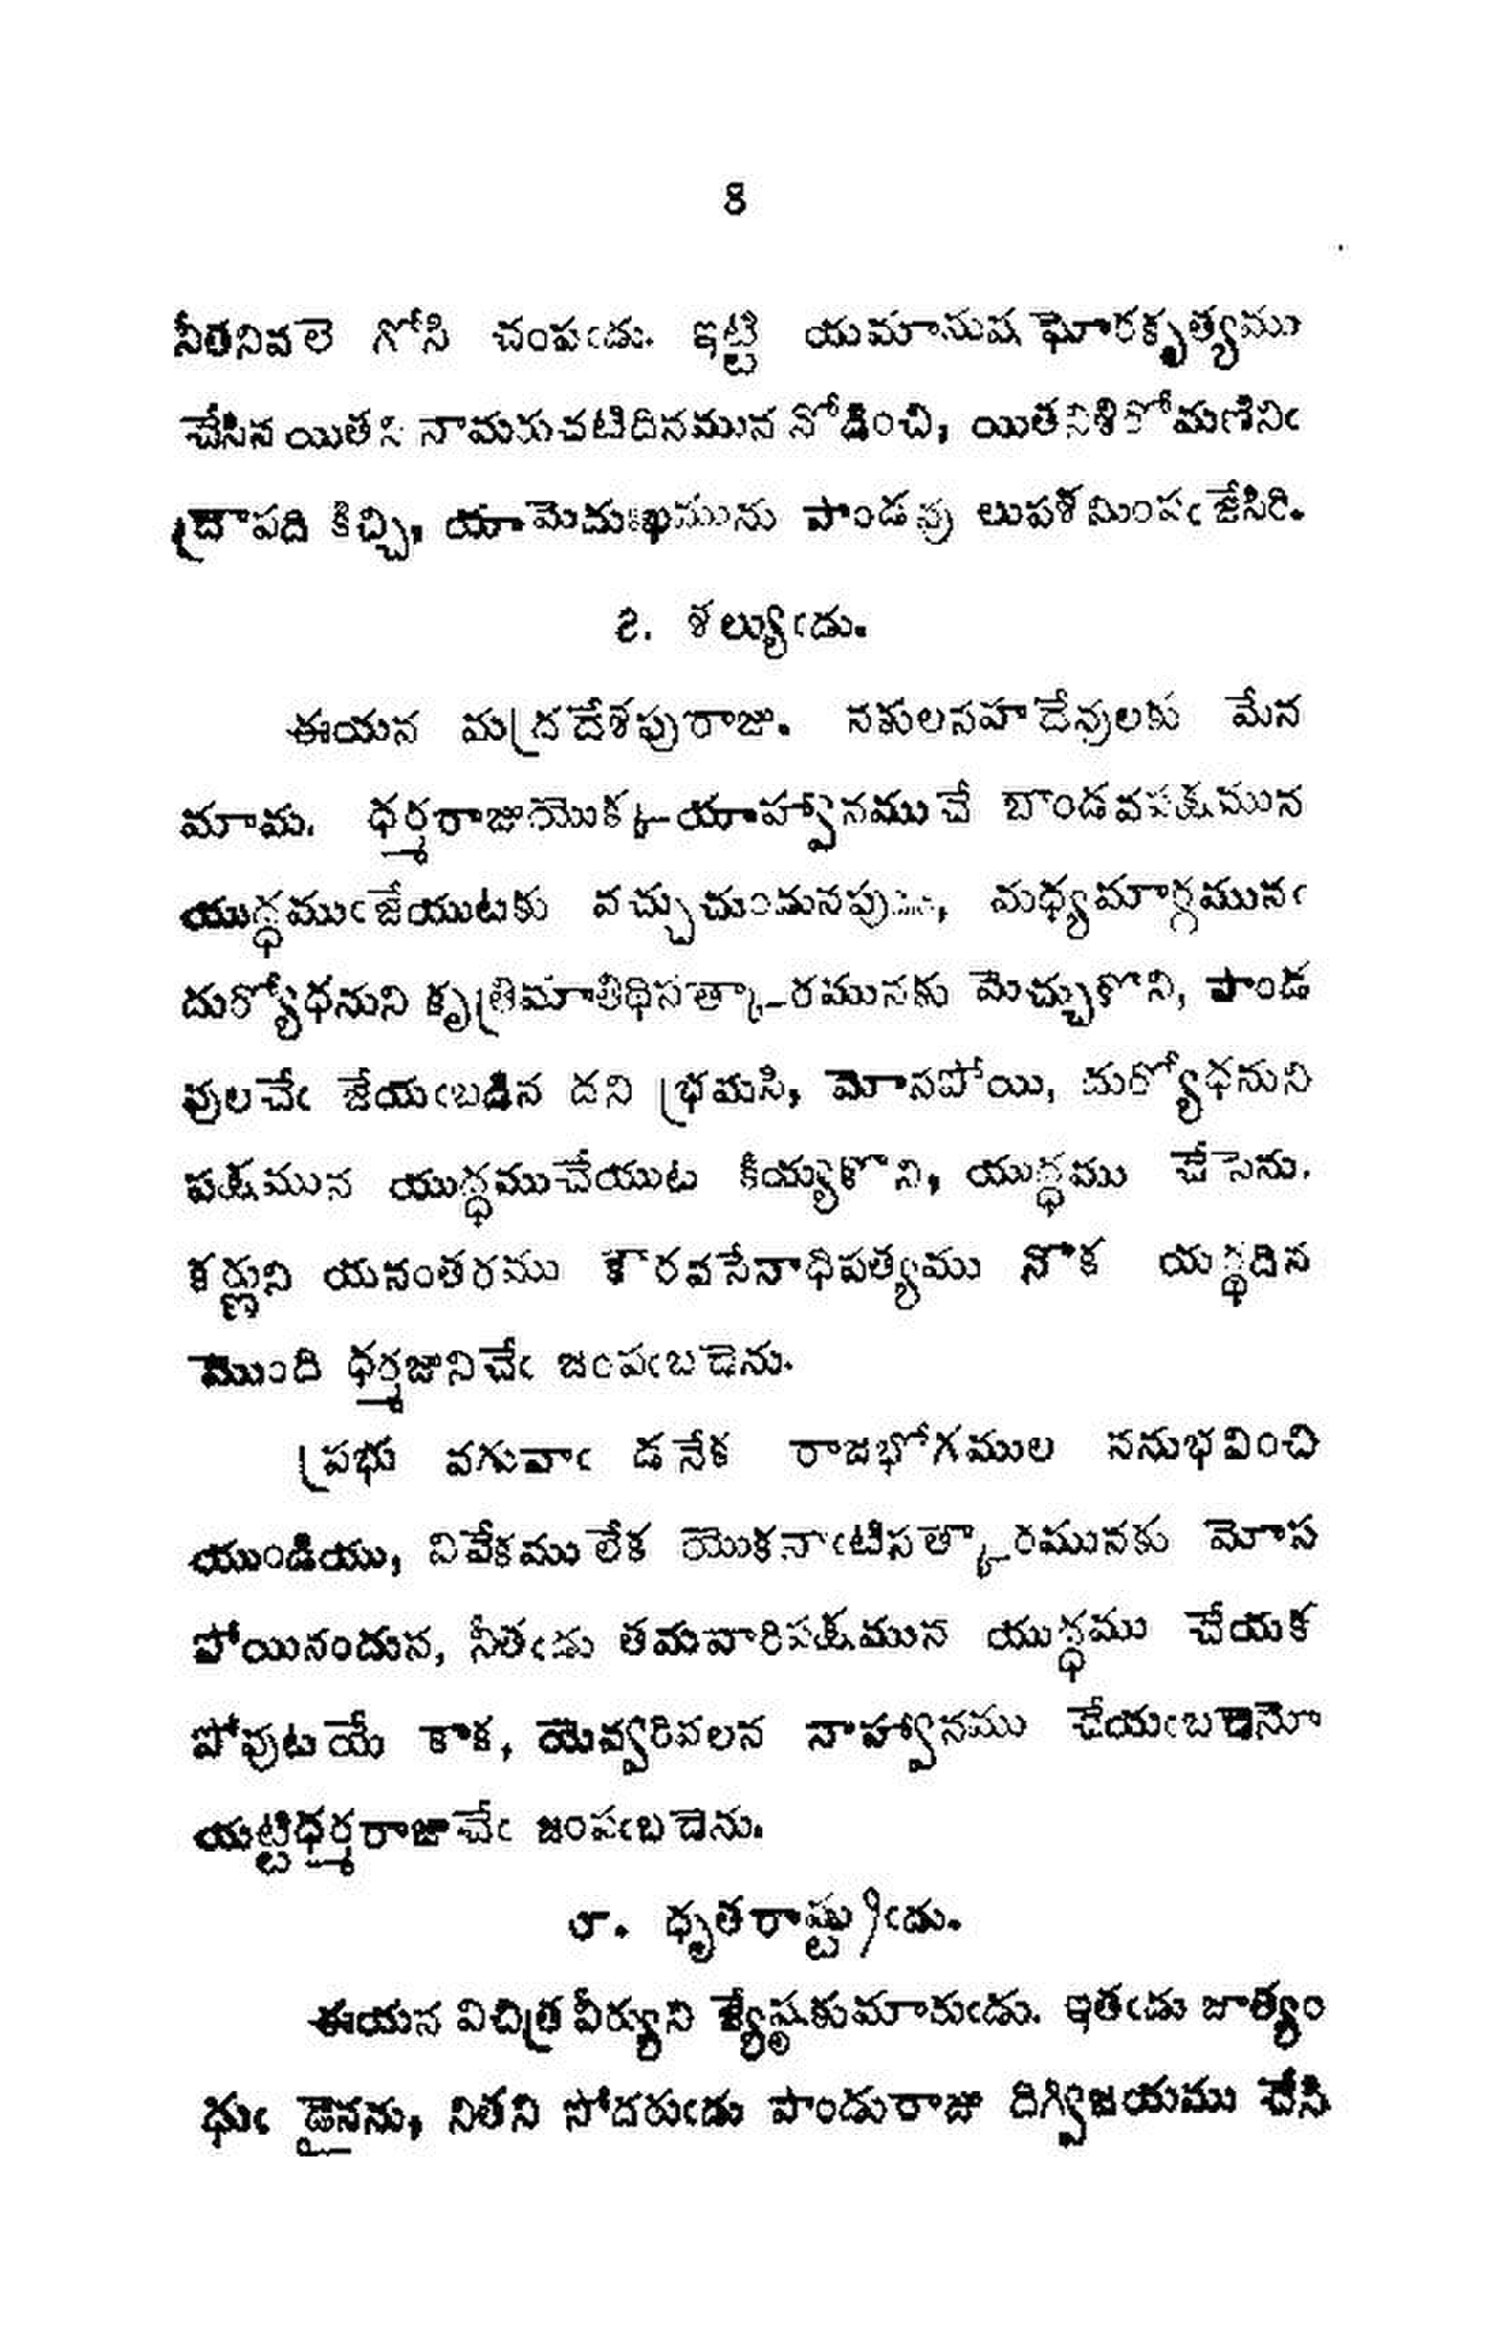నీతనివలె గోసి చంపఁడు. ఇట్టి యమానుష ఘోరకృత్యము చేసిన యితని నామరుచటిదినమున నోడించి, యితనిశిరోమణినిఁ ద్రౌపది కిచ్చి, యామెదుఃఖమును పాండవు లుపశమింపఁజేసిరి.

ఈయన మద్రదేశపురాజు. నకులసహదేవులకు మేనమామ. ధర్మరాజుయొక్క యాహ్వానముచే బాండవపక్షమున యుద్ధముఁజేయుటకు వచ్చుచుండునపుడు, మధ్యమార్గమునఁ దుర్యోధనుని కృత్రిమాతిథిసత్కారమునకు మెచ్చుకొని, పాండవులచేఁ జేయఁబడిన దని భ్రమసి, మోసపోయి, దుర్యోధనుని పక్షమున యుద్ధముచేయుట కియ్యకొని, యుద్ధము చేసెను. కర్ణుని యనంతరము కౌరవసేనాధిపత్యము నొక యర్థదిన మొంది ధర్మజునిచేఁ జంపఁబడెను.

ప్రభు వగువాఁ డనేక రాజభోగముల ననుభవించి యుండియు, వివేకములేక యొకనాఁటి సత్కారమునకు మోస పోయినందున, నీతఁడు తమవారిపక్షమున యుద్ధము చేయక పోవుటయే కాక, యెవ్వరివలన నాహ్వానము చేయఁబడెనో యట్టిధర్మరాజుచేఁ జంపఁబడెను.

ఈయన విచిత్రవీర్యుని జ్యేష్ఠకుమారుఁడు. ఇతఁడు జాత్యంథుఁ డైనను, నితని సోదరుఁడు పాండురాజు దిగ్విజయము చేసి